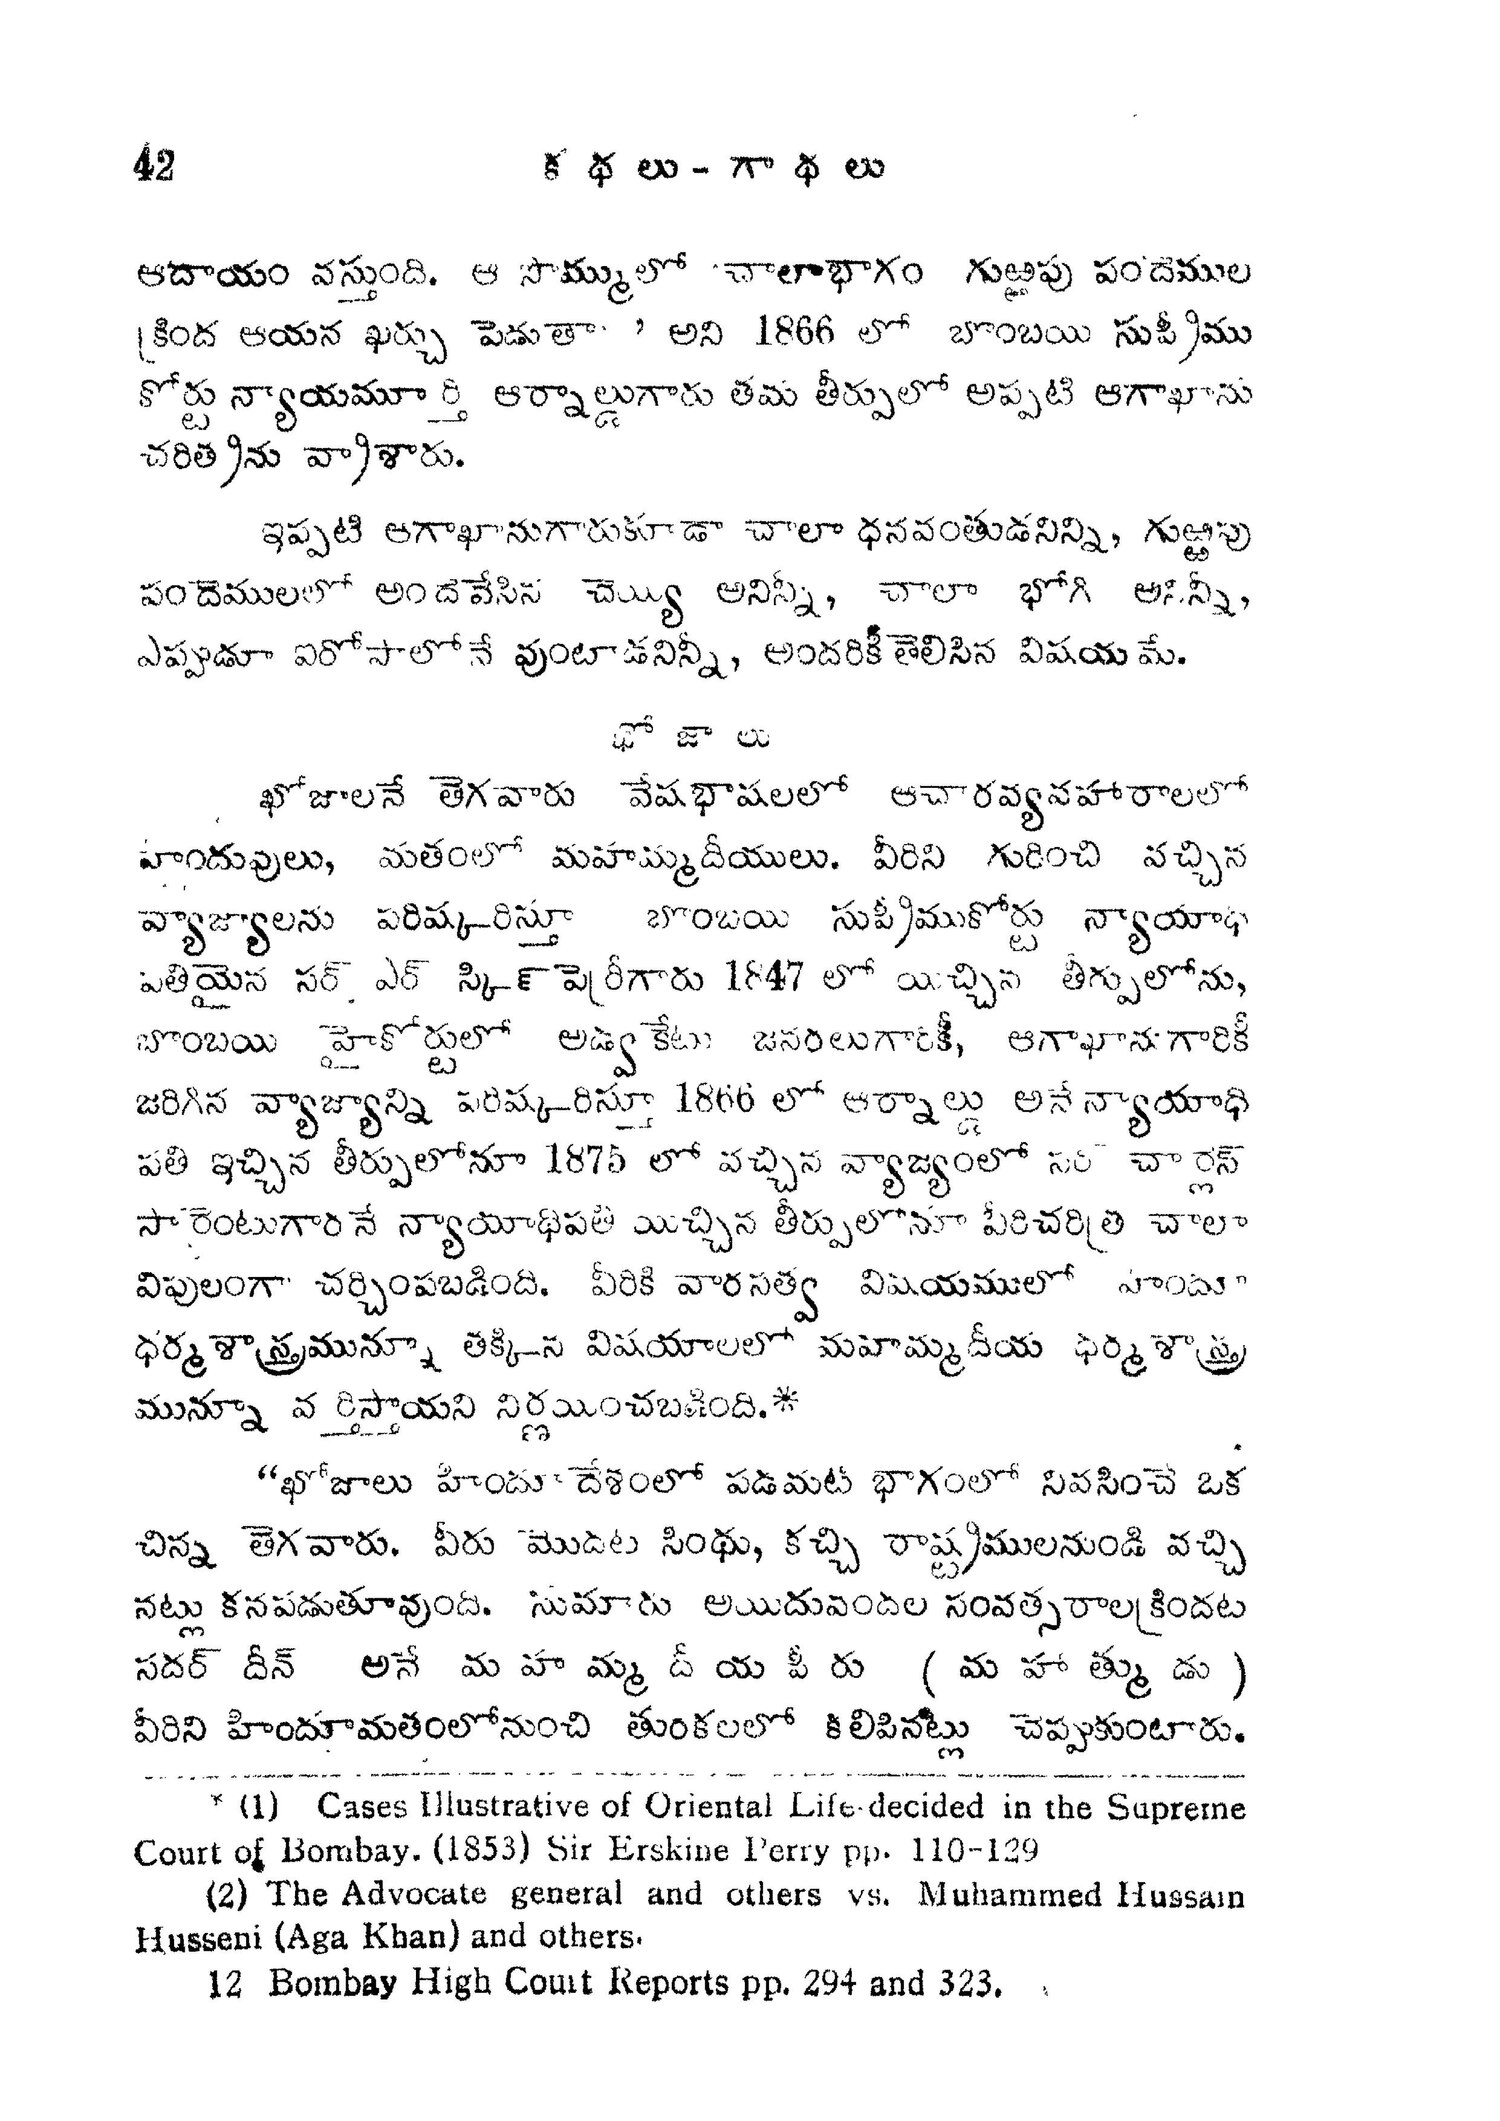ఆదాయం వస్తుంది. ఆ సొమ్ములో చాలా భాగం గుఱ్ఱపు పందెముల
క్రింద ఆయన ఖర్చు పెడుతాడు' ' అని 1866 లో బొంబయి సుప్రీముకోర్టు 
న్యాయమూర్తి ఆర్నాల్డుగారు తమ తీర్పులో అప్పటి ఆగాఖాను 
చరిత్రను వ్రాశారు.

ఇప్పటి ఆగాఖానుగారుకూడా చాలా ధనవంతుడనిన్ని, గుఱ్ఱపు
పందెములలో అందెవేసిన చెయ్యి అనిన్నీ, చాలా భోగి అన్నీ,
ఎప్పుడూ ఐరోపాలోనే వుంటాడనిన్నీ, అందరికీ తెలిసిన విషయమే.

ఖోజాలనే తెగవారు వేషభాషలలో ఆచారవ్యవహారాలలో
హిందువులు, మతంలో మహమ్మదీయులు. వీరిని గురించి వచ్చిన
వ్యాజ్యాలను పరిష్కరిస్తూ బొంబయి సుప్రీము కోర్టు న్యాయాధి 
పతియైన సర్. ఎర్ స్కిన్ పెర్రీగారు 1847 లో యిచ్చిన తీర్పులోను,
బొంబయి హైకోర్టులో అడ్వకేటు జనరలుగారికీ, ఆగాఖాను గారికీ
జరిగిన వ్యాజ్యాన్ని పరిష్కరిస్తూ 1866 లో ఆర్నాల్డు అనే న్యాయాధి
పతి ఇచ్చిన తీర్పులోనూ 1875 లో వచ్చిన వ్యాజ్యంలో సర్ చార్లెస్
సార్జెంటుగారనే న్యాయాధిపతి యిచ్చిన తీర్పులోనూ వీరిచరిత్ర చాలా
విపులంగా చర్చింపబడింది. వీరికి వారసత్వ విషయములో హిందూ 
ధర్మశాస్త్రమున్నూ తక్కిన విషయాలలో మహమ్మదీయ ధర్మశాస్త్ర
మున్నూ వర్తిస్తాయని నిర్ణయించబడింది.*

“ఖోజాలు హిందు దేశంలో పడమట భాగంలో సివసించే ఒక
చిన్న తెగ వారు. వీరు మొదట సింధు, కచ్చి రాష్ట్రములనుండి వచ్చి
నట్లు కనపడుతూవుంది. సుమారు అయిదువందల సంవత్సరాల క్రిందట
సదర్ దీన్అ నే మ హ మ్మ దీ య పీ రు ( మ హా త్ము డు )
వీరిని హిందూమతంలో నుంచి తురకలలో కలిపినట్లు చెప్పుకుంటారు.